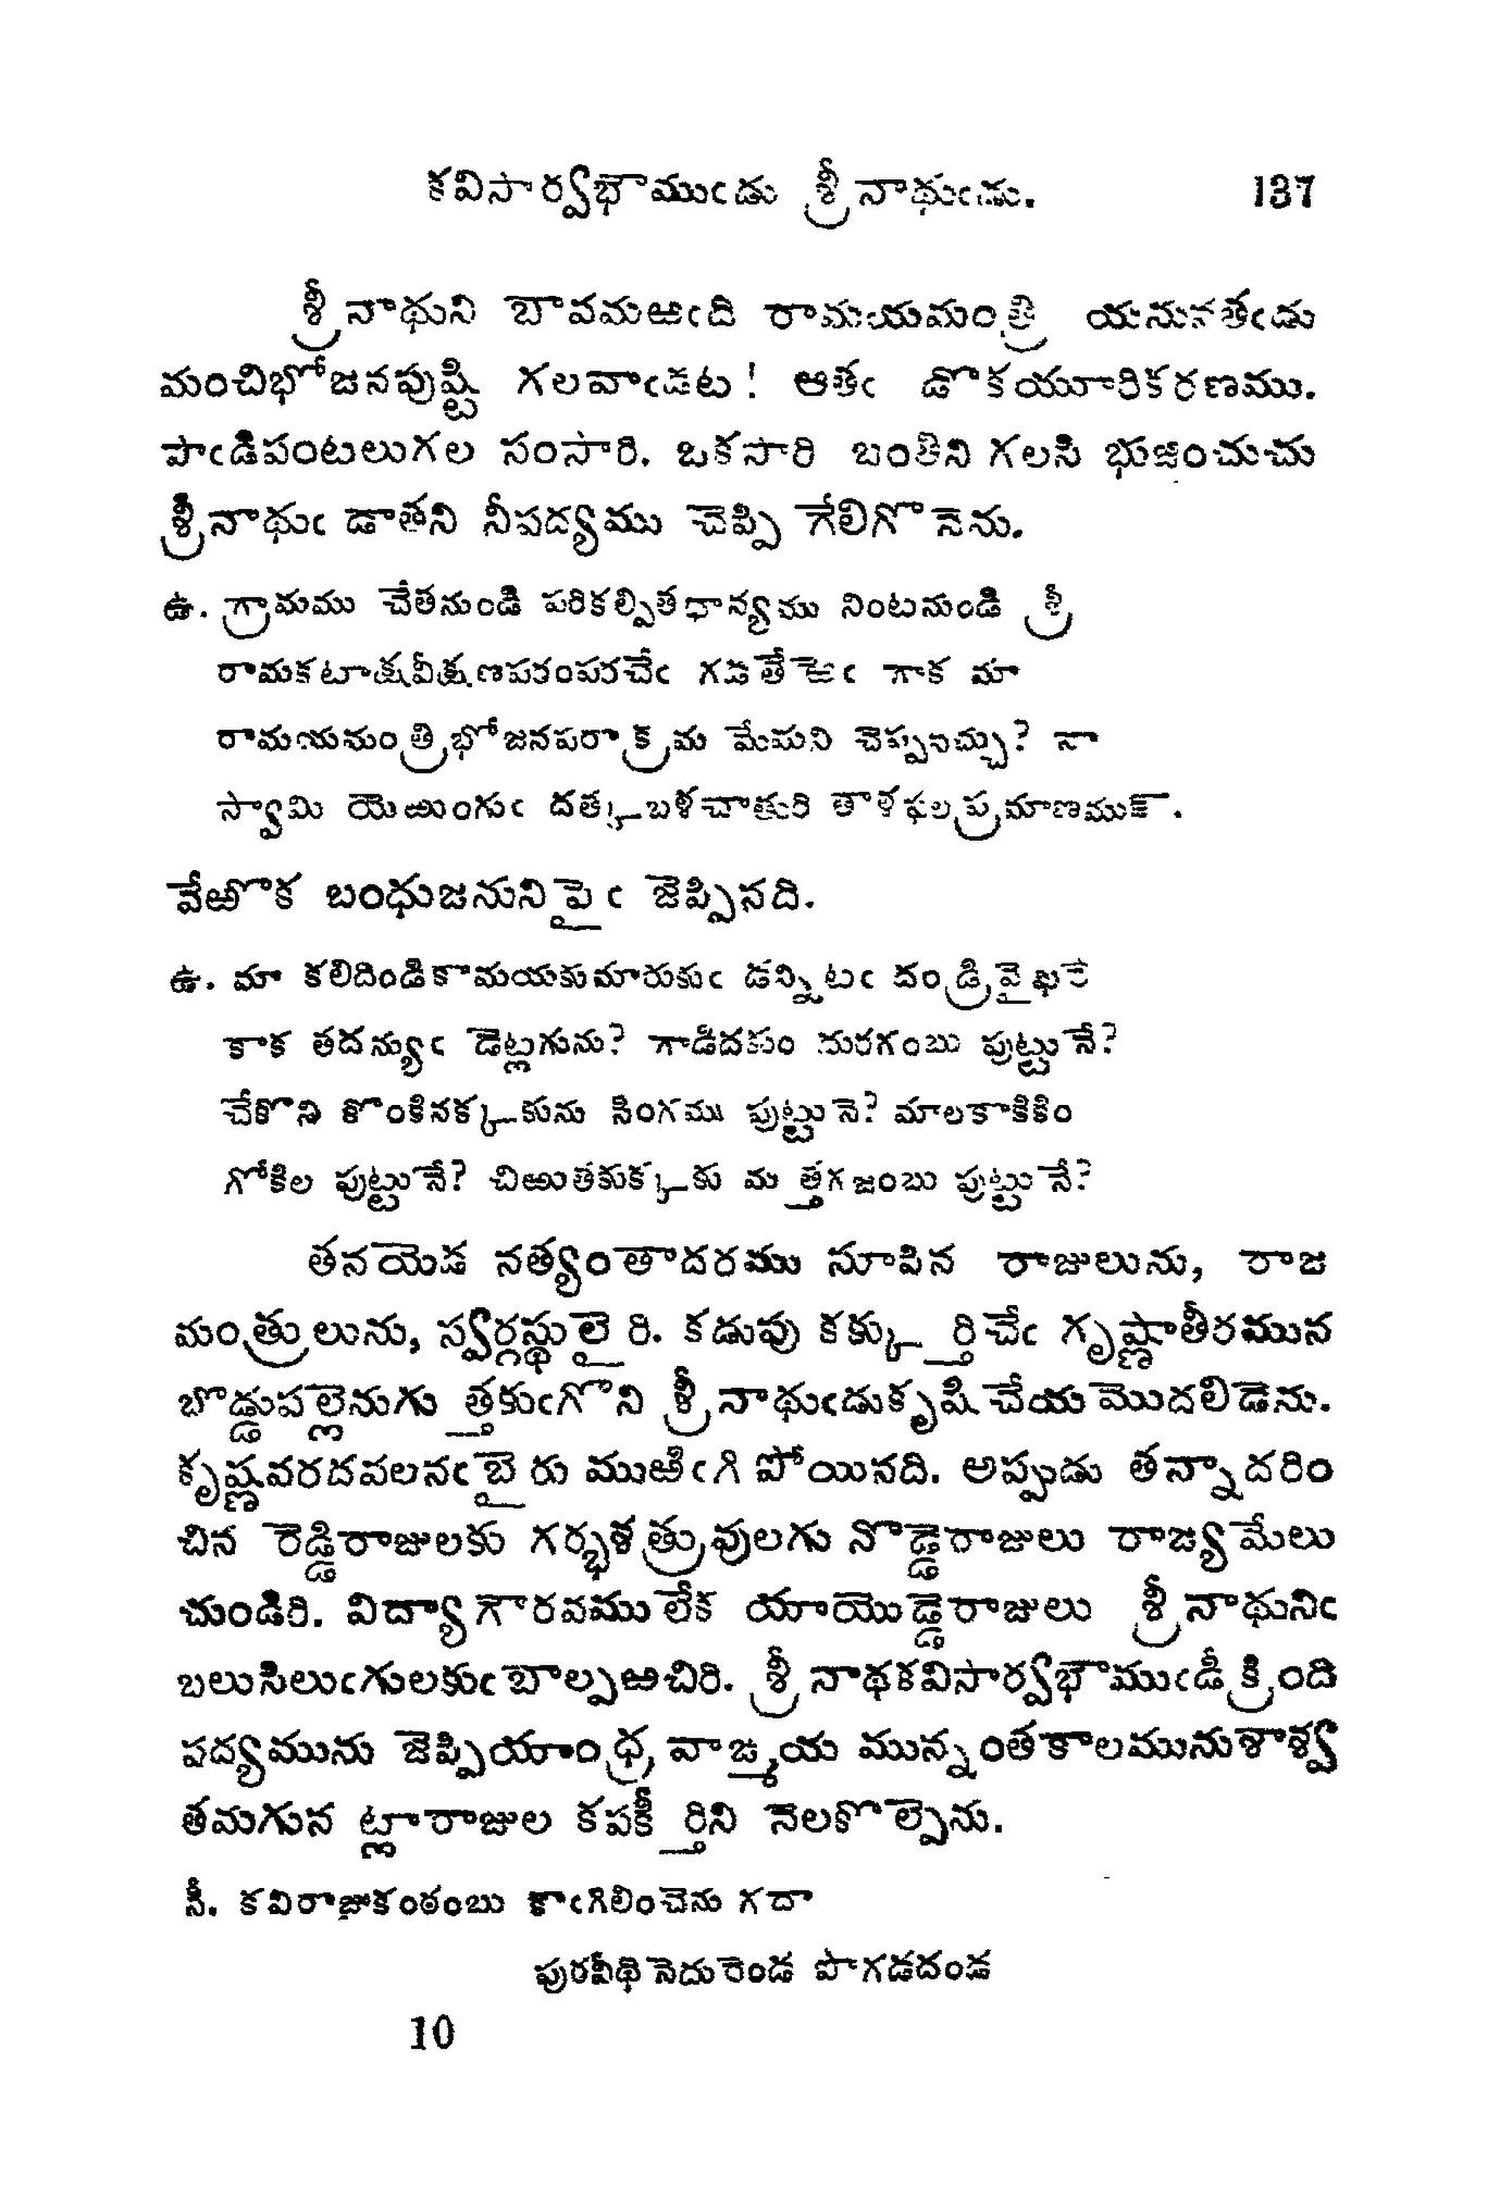శ్రీనాథుని బావమఱఁది రామయమంత్రి యననతఁడు మంచిభోజనపుష్టి గలవాఁడఁట! ఆతఁ డొకయూరికరణము. పాఁడిపంటలు గల సంసారి. ఒకసారి బంతిని గలసి భుజించుచు శ్రీనాథుఁ డాతని నీపద్యము చెప్పి గేలిగొనెను.
ఉ. గ్రామము చేతనుండి పరికల్పితధాన్యము నింటనుండి శ్రీ
 రామకటాక్షవీక్షణపరంపరచేఁ గడతేఱెఁ గాక మా
 రామయమంత్రి భోజనపరాక్రమ మేమని చెప్పవచ్చు? నా
 స్వామి యెఱుంగుఁ దత్కబళచాతురి తాళఫలప్రమాణమున్.
వేఱొక బంధుజనునిపైఁ జెప్పినవి.
ఉ. మా కలిదిండికామయకుమారకుఁ డన్నిటఁ దండ్రివైఖరే
 కాక తదన్యుఁ డెట్లగును? గాడిదకుం దురగంబు పుట్టునే?
 చేకొని కొంకినక్కకును సింగము పుట్టునె? మాలకాకికిం
 గోకిల పుట్టునే? చిఱుతకుక్కకు మత్తగజంబు పుట్టునే?
తనయెడ నత్యంతాదరము సూపిన రాజులును, రాజమంత్రులును స్వర్గస్థులైరి. కడుపు కక్కుర్తిచేఁ గృష్ణాతీరమున బొడ్డుపల్లెను గుత్తకుఁ గొని శ్రీనాథుఁడు కృషిచేయమొదలిడెను. కృష్ణవరదవలనఁ బైరు ముఱిఁగిపోయినది. అప్పుడు తన్నాదరించిన రెడ్డిరాజులకు గర్భశత్రువులగు నొడ్డెరాజులు రాజ్య మేలుచుండిరి. విద్యాగౌరవములేక యాయొడ్డెరాజులు శ్రీనాథునిఁ బలుసిలుఁగులకుఁ బాల్పఱిచిరి. శ్రీనాథకవిసార్వభౌముఁ డీక్రింది పద్యమును జెప్పి యాంధ్రవాఙ్మయ మున్నంతకాలమును శాశ్వత మగున ట్లారాజుల కపకీర్తిని నెలకొల్పెను.
సీ. కవిరాజుకంఠంబు కౌఁగిలించెను గదా
 పురవీథినెదురెండ బొగడదండ